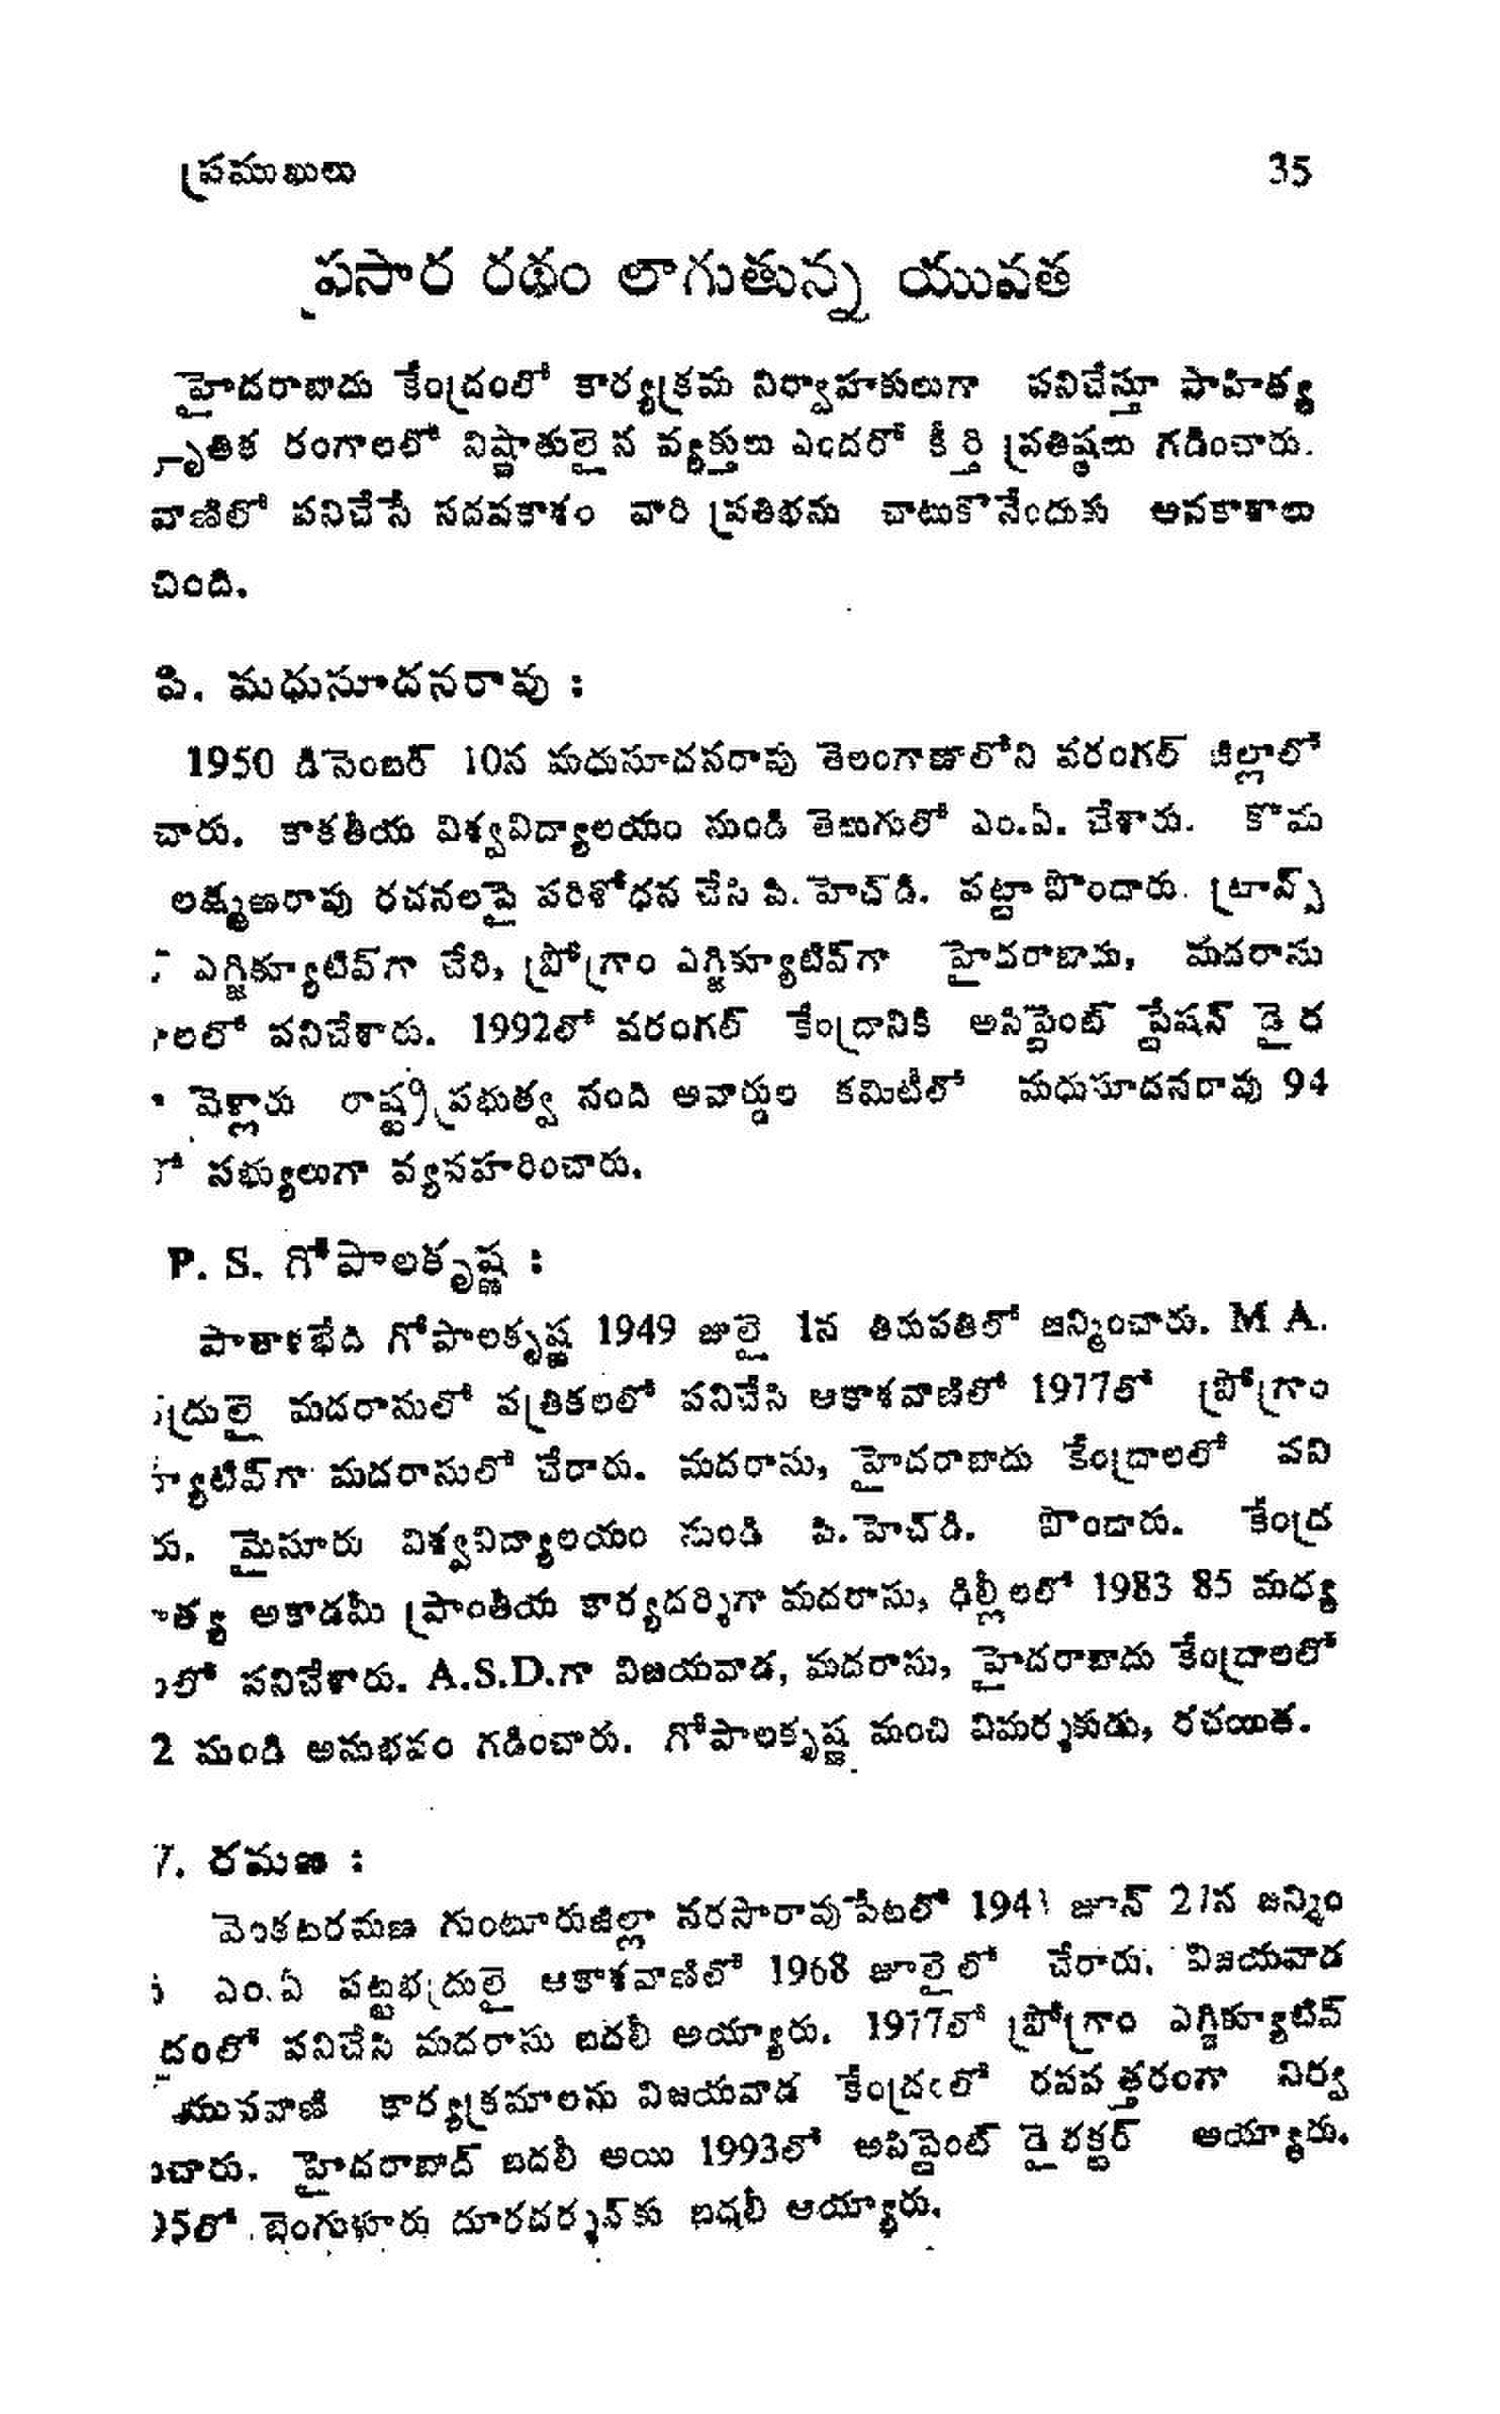హైదరాబాదు కేంద్రంలో కార్యక్రమ నిర్వాహకులుగా పనిచేస్తూ సాహిత్య సాంస్కృతిక రంగాలలో నిష్ణాతులైన వ్యక్తులు ఎందరో కీర్తి ప్రతిష్ఠలు గడించారు. ఆకాశవాణిలో పనిచేసే సదవకాశం వారి ప్రతిభను చాటుకొనేందుకు అవకాశాలు కల్పించింది.

1950 డిసెంబర్ 10 న మధుసూదనరావు తెలంగాణాలోని వరంగల్ జిల్లాలో జన్మించారు. కాకతీయ విశ్వవిద్యాలయం నుండి తెలుగులో ఎం. ఏ. చేశారు. కొమర్రాజు లక్ష్మణరావు రచనలపై పరిశోధన చేసి పి. హెచ్‌డి. పట్టా పొందారు. ట్రాన్స్‌మిషన్ ఎగ్జిక్యూటివ్‌గా చేరి, ప్రోగ్రాం ఎగ్జిక్యూటివ్‌గా హైదరాబాదు, మదరాసు కేంద్రాలలో పనిచేశారు. 1992లో వరంగల్ కేంద్రానికి అసిస్టెంట్ స్టేషన్ డైరక్టర్‌గా వెళ్లారు. రాష్ట్రప్రభుత్వ నంది అవార్డుల కమిటీలో మదుసూదనరావు 1994 సం.లో సభ్యులుగా వ్యవహరించారు.

పాతాళభేది గోపాలకృష్ణ 1949 జూలై 1న తిరుపతిలో జన్మించారు. M. A. పట్టభద్రులై మదరాసులో పత్రికలలో పనిచేసి ఆకాశవాణిలో 1977లో ప్రోగ్రాం ఎగ్జిక్యూటివ్‌గా మదరాసులో చేరారు. మదరాసు, హైదరాబాదు కేంద్రాలలో పని చేశారు. మైసూరు విశ్వవిద్యాలయం నుండి పి.హెచ్‌డి. పొందారు. కేంద్ర సాహిత్య అకాడమీ ప్రాంతీయ కార్యదర్శిగా మదరాసు, ఢిల్లీలలో 1983-85 మధ్య కాలంలో పనిచేశారు. A. S. D. గా విజయవాడ, మదరాసు, హైదరాబాదు కేంద్రాలలో 1992 నుండి అనుభవం గడించారు. గోపాలకృష్ణ మంచి విమర్శకుడు, రచయిత.

వెంకటరమణ గుంటూరుజిల్లా నరసారావుపేటలో 1941 జూన్ 27న జన్మించారు ఎం.ఏ. పట్టభద్రులై ఆకాశవాణిలో 1968 జూలైలో చేరారు. విజయవాడ కేద్రంలో పనిచేసి మదరాసు బదలీ అయ్యారు. 1977లో ప్రోగ్రాం ఎగ్జిక్యూటివ్ గా యువవాణి కార్యక్రమాలను విజయవాడ కేంద్రంలో రసవత్తరంగా నిర్వహించారు. హైదరాబాద్ బదలీ అయి 1993లో అసిస్టెంట్ డైరక్టర్‌ అయ్యారు. 1995లో బెంగుళూరు దూరదర్శన్‌కు బదలీ అయ్యారు.